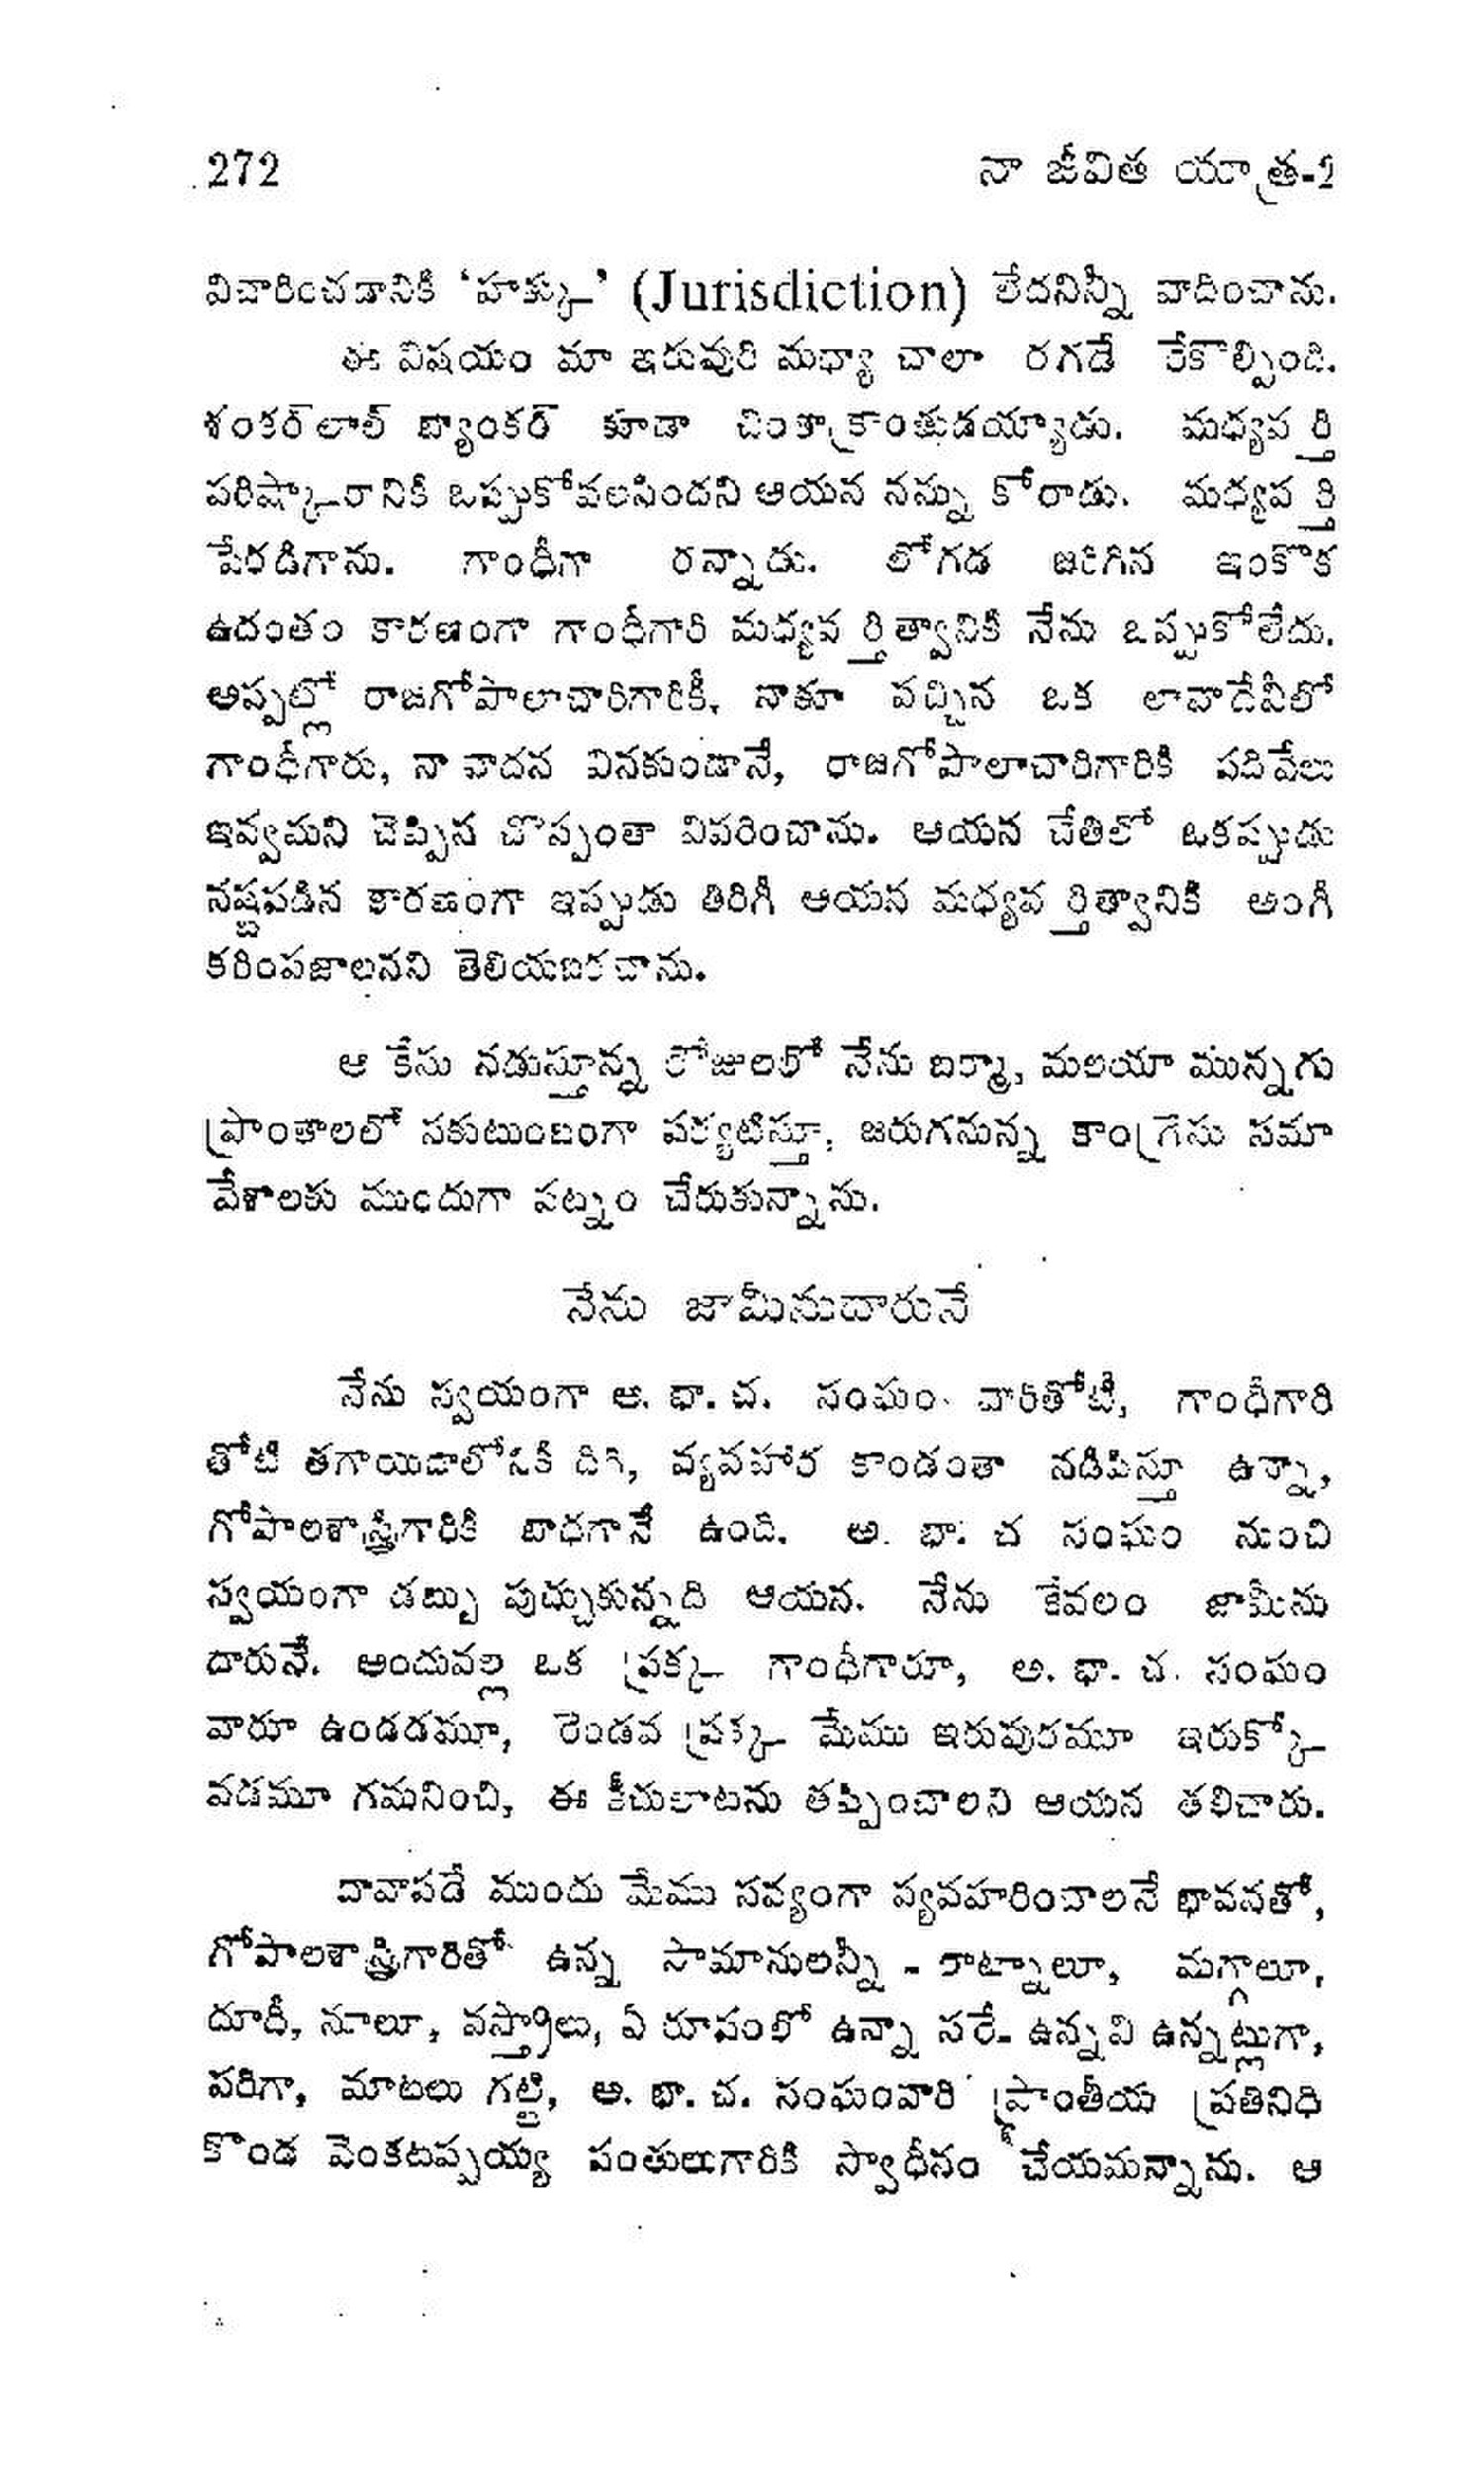విచారించడానికి "హక్కు" (Jurisdiction) లేదనిన్నీ వాదించాను.

ఈ విషయం మా ఇరువురి మధ్యా చాలా రగడే రేకొల్పింది. శంకర్‌లాల్ బ్యాంకర్ కూడా చింతాక్రాంతుడయ్యాడు. మధ్యవర్తి పరిష్కారానికి ఒప్పుకోవలసిందని ఆయన నన్ను కోరాడు. మధ్యవర్తి పేరడిగాను. గాంధీగా రన్నాడు. లోగడ జరిగిన ఇంకొక ఉదంతం కారణంగా గాంధీగారి మధ్యవర్తిత్వానికి నేను ఒప్పుకోలేదు. అప్పట్లో రాజగోపాలాచారి గారికీ, నాకూ వచ్చిన ఒక లావాదేవీలో గాంధీగారు, నావాదన వినకుండానే, రాజగోపాలాచారిగారికి పదివేలు ఇవ్వమని చెప్పిన చొప్పంతా వివరించాను. ఆయన చేతిలో ఒకప్పుడు నష్టపడిన కారణంగా ఇప్పుడు తిరిగీ ఆయన మధ్యవర్తిత్వానికి అంగీకరింపజాలనని తెలియబరచాను.

ఆ కేసు నడుస్తూన్న రోజులలో నేను బర్మా, మలయా మున్నగు ప్రాంతాలలో సకుటుంబంగా పర్యటిస్తూ, జరుగనున్న కాంగ్రెసు సమావేశాలకు ముందుగా పట్నం చేరుకున్నాను

నేను స్వయంగా అ.భా.చ. సంఘం వారితోటీ, గాంధీగారితోటి తగాయిదాలోనికి దిగి, వ్యవహార కాండంతా నడిపిస్తూ ఉన్నా, గోపాలశాస్త్రిగారికి భాధగానే ఉంది. అ.భా.చ. సంఘం నుంచి స్వయంగా డబ్బు పుచ్చుకున్నది ఆయన. నేను కేవలం జామీనుదారునే. అందువల్ల ఒక ప్రక్క గాంధీగారూ, అ.భా.చ. సంఘంవారూ ఉండడమూ, రెండవ ప్రక్క మేము ఇరువురమూ ఇరుక్కోవడమూ గమనించి, ఈ కీచులాటను తప్పించాలని ఆయన తలిచారు.

దావాపడే ముందు మేము సవ్యంగా వ్యవహరించాలనే భావనతో, గోపాలశాస్త్రిగారితో ఉన్న సామానులన్నీ-రాట్నాలూ, మగ్గాలూ, దూదీ, నూలూ, వస్త్రాలు, ఏ రూపంలో ఉన్నా సరే-ఉన్నవి ఉన్నట్లుగా, సరిగా మూటలు గట్టి, అ.భా.చ. సంఘంవారి ప్రాంతీయ ప్రతినిధి కొండ వెంకటప్పయ్య పంతులుగారికి స్వాధీనం చేయమన్నాను. ఆ